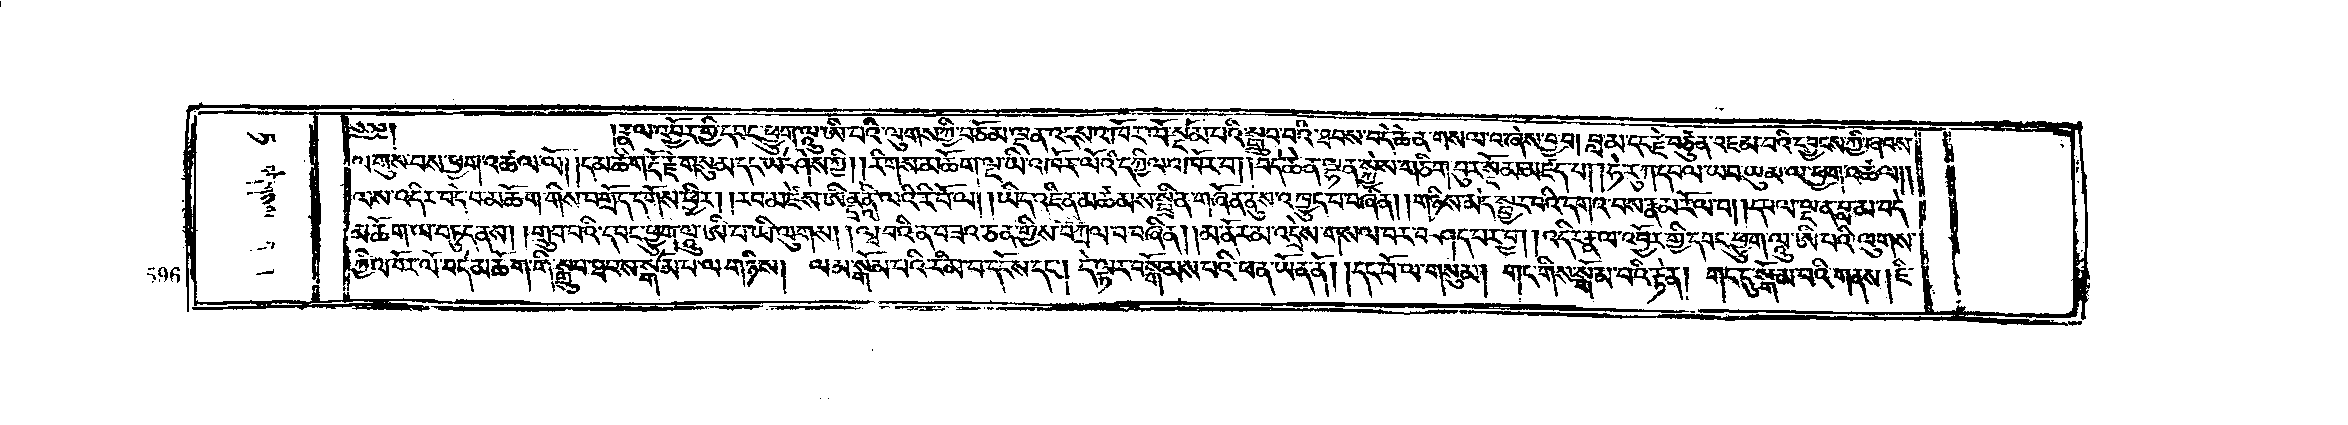༄༅༅། །རྣལ་འབྱོར་གྱི་དབང་ཕྱུག་ལཱུ་ཨི་པའི་ལུགས་ཀྱི་བཅོམ་ལྡན་འདས་འཁོར་ལོ་སྡོམ་པའི་སྒྲུབ་པའི་ཐབས་བདེ་ཆེན་གསལ་བ་ཞེས་བྱ་བ། བླ་མ་དང་རྗེ་བཙུན་འཇམ་པའི་དབྱངས་ཀྱི་ཞབས་
ལ་གུས་པས་ཕྱག་འཚལ་ལོ། །དམ་ཚིག་རྡོ་རྗེ་གསུམ་དང་ཡེ་ཤེས་ཀྱི། །རིགས་མཆོག་ལྔ་ཡི་འཁོར་ལོའི་དཀྱིལ་འཁོར་བ། །བདེ་ཆེན་ལྷན་སྐྱེས་གཅིག་པུར་སྡོམ་མཛད་པ། །ཧེ་རུ་ཀ་དཔལ་ཡབ་ཡུམ་ལ་ཕྱག་འཚལ། །
ལས་འདིར་བདེ་བ་མཆོག་གིས་བགྲོད་དགོས་ཕྱིར། །རབ་མཛེས་ཨིནྡྲ་ནཱི་ལའི་རི་བོ་ལ། །ཡིད་འཛིན་མཚམས་སྤྲིན་གཞོན་ནུས་འཁྱུད་པ་བཞིན། །གཉིས་མེད་སྦྱར་བའི་དགའ་བས་རྣམ་རོལ་བ། །དཔལ་ལྡན་བླ་མ་བདེ་
མཆོག་ལ་བཏུད་ནས། །གྲུབ་པའི་དབང་ཕྱུག་ལཱུ་ཨི་པ་ཡི་ལུགས། །ལྭ་བའི་ན་བཟའ་ཅན་གྱིས་བཀྲལ་བ་བཞིན། །མ་ནོར་མ་འདྲེས་གསལ་བར་བཤད་པར་བྱ། །འདིར་རྣལ་འབྱོར་གྱི་དབང་ཕྱུག་ལཱུ་ཨི་པའི་ལུགས་
ཀྱི་འཁོར་ལོ་བདེ་མཆོག་གི་སྒྲུབ་ཐབས་སྒོམ་པ་ལ་གཉིས། ལམ་སྒོམ་པའི་རིམ་པ་དངོས་དང་། དེ་ལྟར་བསྒོམས་པའི་ཕན་ཡོན་ནོ། །དང་པོ་ལ་གསུམ། གང་གིས་སྒོམ་པའི་རྟེན། གང་དུ་སྒོམ་པའི་གནས། ཇི་